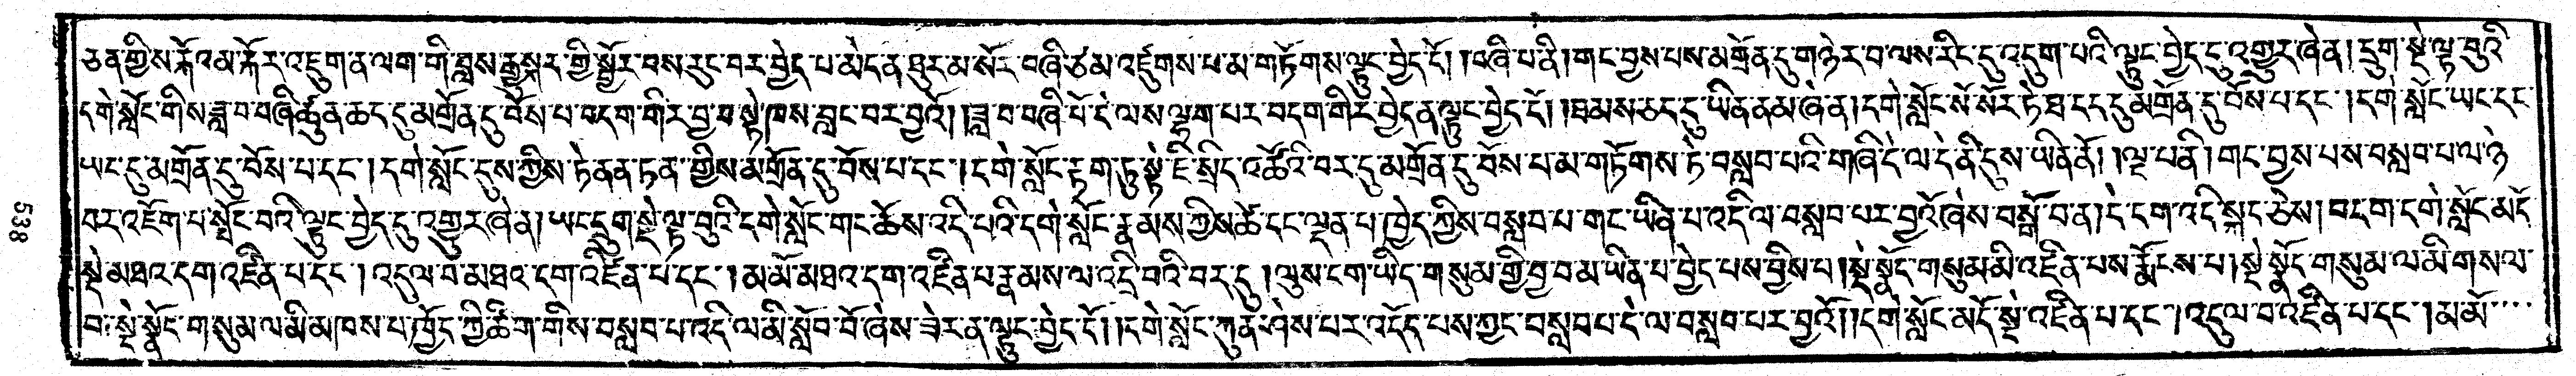ཅན་གྱིས་རྐོའམ་རྐོར་འཇུག་ན་ལག་གི་བླས་རྒྱུ་སྐར་གྱི་སྦྱོར་བས་རུང་བར་བྱེད་པ་མེད་ན་ཐུར་མ་སོར་བཞི་ཙམ་འཛུགས་པ་མ་གཏོགས་ལྟུང་བྱེད་དོ། །བཞི་པ་ནི། གང་བྱས་པས་མགྲོན་དུ་གཉེར་བ་ལས་རིང་དུ་འདུག་པའི་ལྟུང་བྱེད་དུ་འགྱུར་ཞེ་ན། དྲུག་སྡེ་ལྟ་བུའི་
དགེ་སློང་གིས་ཟླ་བ་བཞི་ཚུན་ཆད་དུ་མགྲོན་དུ་བོས་པ་བདག་གིར་བྱ་བ་སྟེ་ཁས་བླང་བར་བྱའོ། །ཟླ་བ་བཞི་པོ་དེ་ལས་ལྷག་པར་བདག་གིར་བྱེད་ན་ལྟུང་བྱེད་དོ། །ཐམས་ཅད་དུ་ཡིན་ནམ་ཞེ་ན། དགེ་སློང་སོ་སོར་ཏེ་ཐ་དད་དུ་མགྲོན་དུ་བོས་པ་དང་།དགེ་སློང་ཡང་དང་
ཡང་དུ་མགྲོན་དུ་བོས་པ་དང་། དགེ་སློང་དུས་ཀྱིས་ཏེ་ནན་ཏན་གྱིས་མགྲོན་དུ་བོས་པ་དང་།དགེ་སློང་རྟག་ཏུ་སྟེ་ཇི་སྲིད་འཚོའི་བར་དུ་མགྲོན་དུ་བོས་པ་མ་གཏོགས་ཏེ་བསླབ་པའི་གཞི་དེ་ལ་དེ་ནི་དུས་ཡིན་ནོ། །ལྔ་པ་ནི། གང་བྱས་པས་བསླབ་པ་ལ་ཉེ་
བར་འཇོག་པ་སྤོང་བའི་ལྟུང་བྱེད་དུ་འགྱུར་ཞེ་ན། ཡང་དྲུག་སྡེ་ལྟ་བུའི་དགེ་སློང་གང་ཆོས་འདི་པའི་དགེ་སློང་རྣམས་ཀྱིས་ཚེ་དང་ལྡན་པ་ཁྱེད་ཀྱིས་བསླབ་པ་གང་ཡིན་པ་འདི་ལ་བསླབ་པར་བྱའོ་ཞེས་བསྒོ་བ་ན། དེ་དག་འདི་སྐད་ཅེས། བདག་དགེ་སློང་མོད་
སྡེ་མཐའ་དག་འཛིན་པ་དང་། འདུལ་བ་མཐའ་དག་འཛིན་པ་དང་། མ་མོ་མཐའ་དག་འཛིན་པ་རྣམས་ལ་འདྲི་བའི་བར་དུ། ལུས་ངག་ཡིད་གསུམ་གྱི་བྱ་བ་མ་ཡིན་པ་བྱེད་པས་བྱིས་པ། སྡེ་སྣོད་གསུམ་མི་འཛིན་པས་རྨོངས་པ། སྡེ་སྣོད་གསུམ་ལ་མི་གསལ་
བ༑ སྡེ་སྣོང་གསུམ་ལ་མི་མཁས་པ་ཁྱོད་ཀྱི་ཚིག་གིས་བསླབ་པ་འདི་ལ་མི་སློབ་བོ་ཞེས་ཟེར་ན་ལྟུང་བྱེད་དོ། །དགེ་སློང་ཀུན་ཤེས་པར་འདོད་པས་ཀྱང་བསླབ་པ་དེ་ལ་བསླབ་པར་བྱའོ། །དགེ་སློང་མདོ་སྡེ་འཛིན་པ་དང་། འདུལ་བ་འཛིན་པ་དང་། མ་མོ་